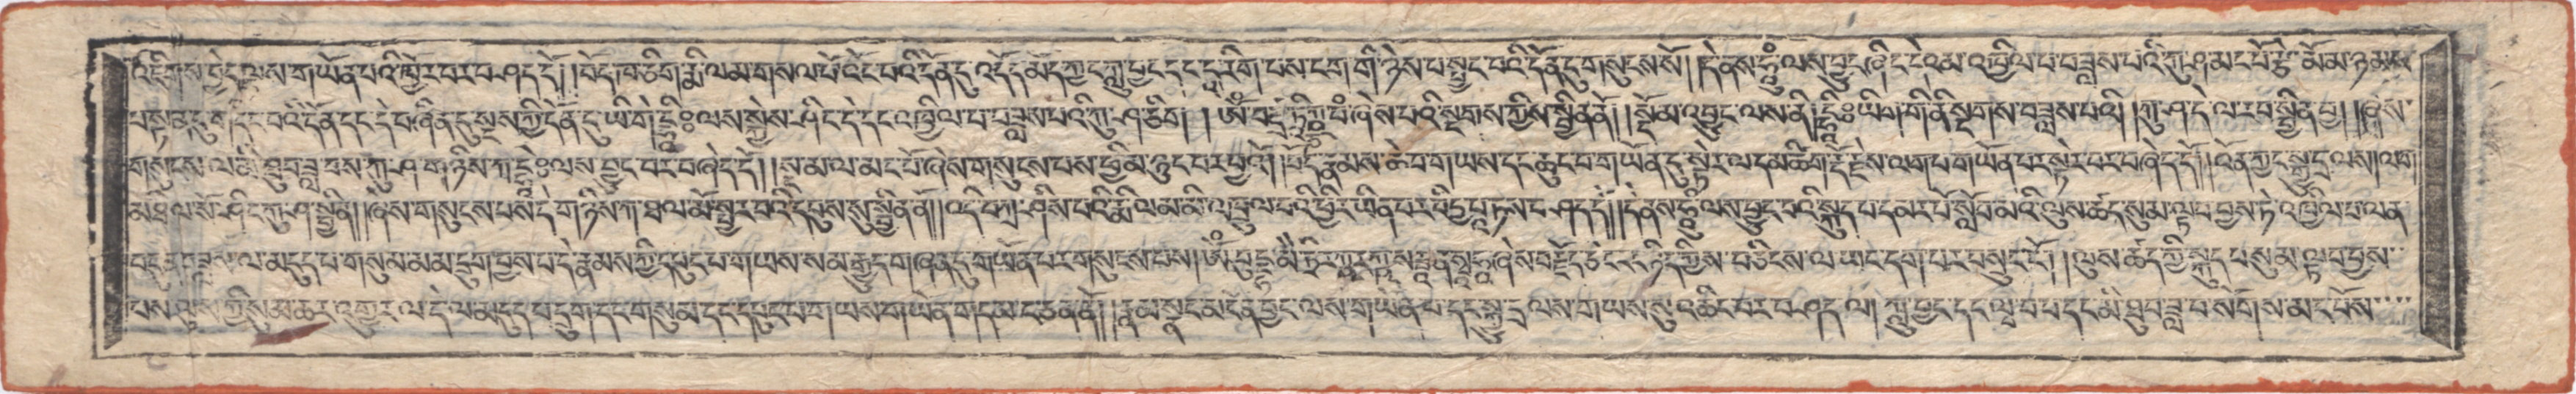འཇིགས་བྱེད་ལྷས་གཡོན་པའི་ཁྱོར་བར་བཤད་དོ། །བོད་ཁ་ཅིག་རྨི་ལམ་གསལ་པོ་འོང་བའི་དོན་དུ་འདོད་མོད་ཀྱང་ཀླུ་བྱང་དང་དཱ་རིག་པས་ངག་གི་ཉེས་པ་སྦྱང་བའི་དོན་དུ་གསུངས་སོ། །དེ་ནས་ཧཱུཾ་ལས་བྱུང་ཞིང་དེའམ་འཁྱིལ་པ་བཟླས་པའི་ཀུ་ཤ་མང་པོ་རྩེ་མོ་མ་ཉམས་
པ་སྟན་དུ་གདིང་བའི་དོན་དང་དེ་བཞིན་དུ་སྔས་ཀྱི་དོན་དུ་ཡི་གེ་དྷཱིཿ ལས་སྐྱེས་ཤིང་དེ་དང་འཁྱིལ་པ་བཟླས་པའི་ཀུ་ཤ་ཅིག །ཨོཾ་བཛྲ་ཏཱིཀྵྞ་བཾ་ཞེས་པའི་སྔགས་ཀྱིས་སྦྱིན་ནོ། །སྡོམ་འབྱུང་ལས་ནི། དྷཱིཿ ཡིག་གི་ནི་སྔགས་བཟླས་པའི། །ཀུ་ཤ་དེ་ལ་རབ་སྦྱིན་བྱ། །ཞེས་
གསུངས་ལ་མི་ཐུབ་ཟླ་བས་ཀུ་ཤ་གཉིས་ཀ་དྷཱིཿ ལས་བྱུང་བར་བཞེད་དོ། །སྔ་མ་ལ་མང་པོ་ཞེས་གསུངས་པས་ཕྱི་མ་ཉུང་བར་བྱའོ། །བོད་རྣམས་ཆེ་བ་གཡས་དང་ཆུང་བ་གཡོན་དུ་སྟེར་ལ་དམ་ཚིག་རྡོ་རྗེས་ལག་པ་གཡོན་པར་སྟེར་བར་བཞེད་དོ། །འོན་ཀྱང་སྒྱུ་དྲ་ལས། ལག་
མཐིལ་སོ་ཤིང་ཀུ་ཤ་སྦྱིན། །ཞེས་གསུངས་པས་དེ་གཉིས་ཀ་ཐལ་མོ་སྦྱར་བའི་དབུས་སུ་སྦྱིན་ནོ། །འདི་བཀྲ་ཤིས་པའི་རྨི་ལམ་མི་འཁྲུལ་བའི་ཕྱིར་ཡིན་པར་བིདྱ་པཱ་ཏས་བཤད་དོ། །དེ་ནས་ཧཱུཾ་ལས་བྱུང་བའི་སྐུད་པ་དམར་པོ་སློབ་མའི་ལུས་ཚད་སུམ་ལྟབ་བྱས་ཏེ་འཁྱིལ་པ་ལན་
བདུན་བཟླས་ལ་མདུད་པ་གསུམ་མམ་དྲུག་བྱས་པ་དེ་རྣམས་ཀྱི་དཔུང་པ་གཡས་སམ་རྒྱུད་གཞན་དུ་གཡོན་པར་གསུངས་པས། ཨོཾ་བུདྡྷ་མཻ་ཏྲི་རཀྵ་རཀྵ་སརྦཱ་ན་སྭཱཧཱ་ཞེས་བརྗོད་ཅིང་རང་ཉིད་ཀྱིས་བཅིངས་ལ་ཡང་དག་པར་བསྲུང་ངོ། །ལུས་ཚད་ཀྱི་སྐུད་པ་སུམ་ལྟབ་བྱས་
པས་ལུས་ཀྱི་སུམ་ཆར་འགྱུར་ལ་དེ་ལ་མདུད་པ་དྲུག་དང་གསུམ་དང་དཔུང་པ་གཡས་གཡོན་གདམ་ང་ཅན་ནོ། །རྣམ་སྣང་མངོན་བྱང་ལས་གཡོན་པ་དང་སྒྱུ་དྲ་ལས་གཡས་སུ་འཆིང་བར་བཤད་ལ། ཀླུ་བྱང་དང་ལྭ་བ་པ་དང་མི་ཐུབ་ཟླ་བ་སོགས་མང་པོས་